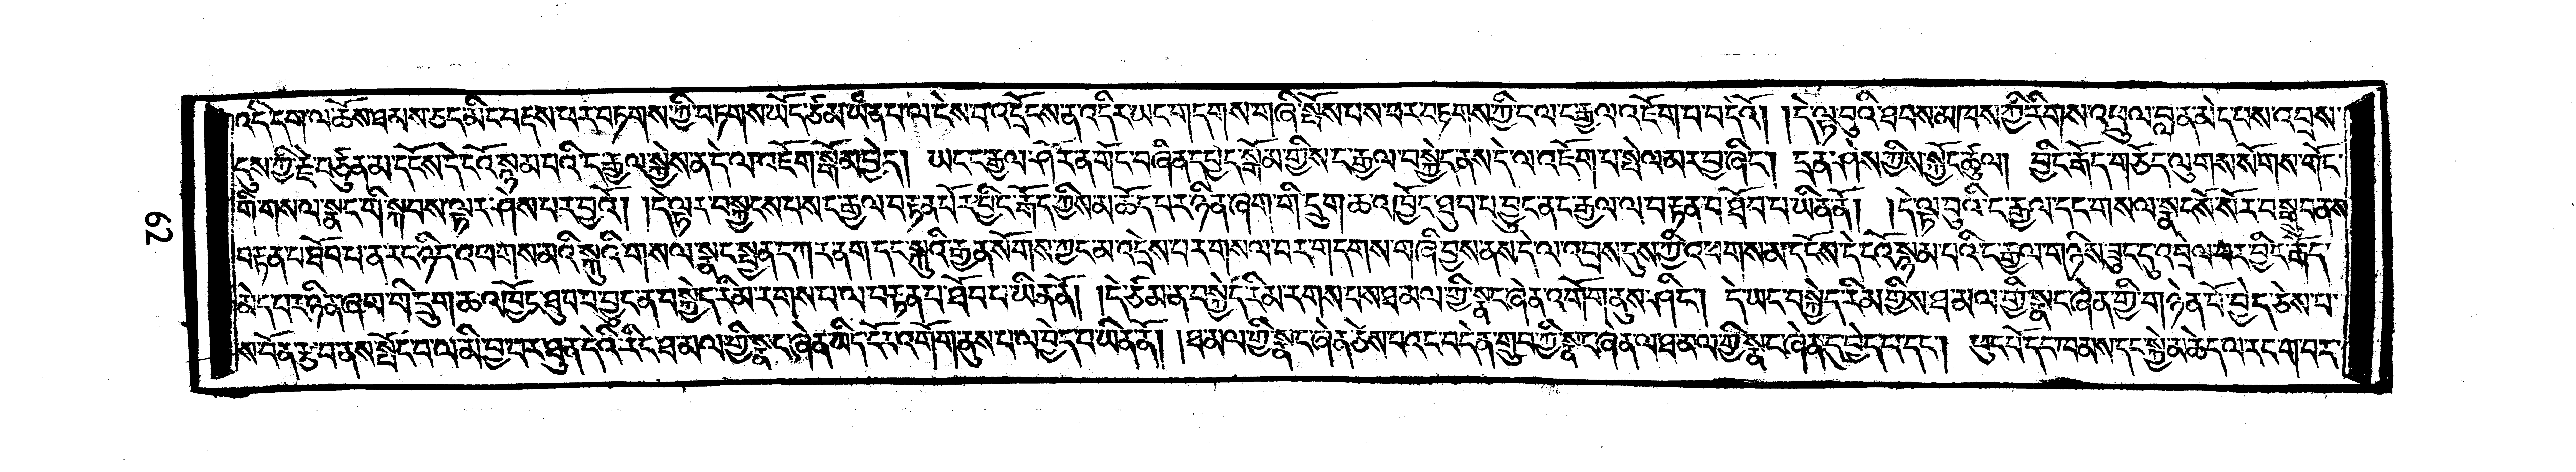འདི་དག་ལ་ཆོས་ཐམས་ཅད་མིང་བརྡས་ཕར་བཏགས་ཀྱི་བཏགས་ཡོད་ཙམ་ཡིན་པ་ལ་ངེས་པ་འདྲོངས་ན་འདིར་ཡང་གདགས་གཞི་སྤོས་པས་ཕར་བཏགས་ཀྱི་ང་ལ་ང་རྒྱལ་འཇོག་པ་བདེའོ། །དེ་ལྟ་བུའི་ཐབས་མཁས་ཀྱི་རིགས་འཕྲུལ་བླ་ན་མེད་པས་འབྲས་
དུས་ཀྱི་རྗེ་བཙུན་མ་དངོས་དེ་བའོ་སྙམ་པའི་ང་རྒྱལ་སྐྱེས་ན་དེ་ལ་འཇོག་སྒོམ་བྱེད། ཡང་ང་རྒྱལ་ཤོར་ན་གོང་བཞིན་དཔྱད་སྒོམ་གྱིས་ང་རྒྱལ་བསྐྱེད་ནས་དེ་ལ་འཇོག་པ་སྤེལ་མར་བྱ་ཞིང་། དྲན་ཤེས་ཀྱིས་སྐྱོང་ཚུལ། བྱིང་རྒོད་གཅོད་ལུགས་སོགས་གོང་
གི་གསལ་སྣང་གི་སྐབས་ལྟར་ཤེས་པར་བྱའོ། །དེ་ལྟར་བསྐྱངས་པས་ང་རྒྱལ་བརྟན་པོར་བྱིང་རྒོད་ཀྱིས་མཆོད་པར་ཉིན་ཞག་གི་དྲུག་ཆ་འཁྱོང་ཐུབ་པ་བྱུང་ན་ང་རྒྱལ་ལ་བརྟན་པ་ཐོབ་པ་ཡིན་ནོ། །དེ་ལྟ་བུའི་ང་རྒྱལ་དང་གསལ་སྨང་སོ་སོར་བསྒྲུབ་ནས་
བརྟན་པ་ཐོབ་པ་ན་རང་ཉིད་འཕགས་མའི་སྐུའི་གསལ་སྣང་སྤྱན་དཀར་ནག་དང་སྐུའི་རྒྱན་སོགས་ཀྱང་མ་འདྲེས་པར་གསལ་བར་གདགས་གཞི་བྱས་ནས་དེ་ལ་འབྲས་དུས་ཀྱི་འཕགས་མ་དངོས་དེ་ངའོ་སྙམ་པའི་ང་རྒྱལ་གཉིས་ཟུང་དུ་འབྲེལ་བར་བྱིང་རྒོད་
མེད་པར་ཉིན་ཞག་གི་དྲུག་ཆ་འཁྱོང་ཐུབ་པ་བྱུང་ན་བསྐྱེད་རིམ་རགས་པ་ལ་བརྟན་པ་ཐོབ་པ་ཡིན་ནོ། །དེ་ཙམ་ན་བསྐྱེད་རིམ་རགས་པས་ཐ་མལ་གྱི་སྣང་ཞེན་འགོག་ནུས་ཤིང་། དེ་ཡང་བསྐྱེད་རིམ་གྱིས་ཐ་མལ་གྱི་སྣང་ཞེན་གྱི་གཉེན་པོ་བྱེད་ཅེས་པ་
ས་བོན་རྩ་བ་ནས་སྤོང་བ་ལ་མི་བྱ་བར་ཐུན་དེའི་རིང་ཐ་མལ་བྱི་སྣང་ཞེན་ཡིད་ངོར་འགོག་ནུས་པ་ལ་བྱེད་པ་ཡིན་ནོ། །ཐ་མལ་གྱི་སྣང་ཞེན་ཅེས་པའང་བདེན་གྲུབ་ཀྱི་སྣང་ཞེན་ལ་ཐ་མལ་གྱི་སྣང་ཞེན་དུ་བྱེད་པ་དང་། ཕུང་པོ་དང་ཁམས་དང་སྐྱེ་མཆེད་ལ་རང་ག་བར་